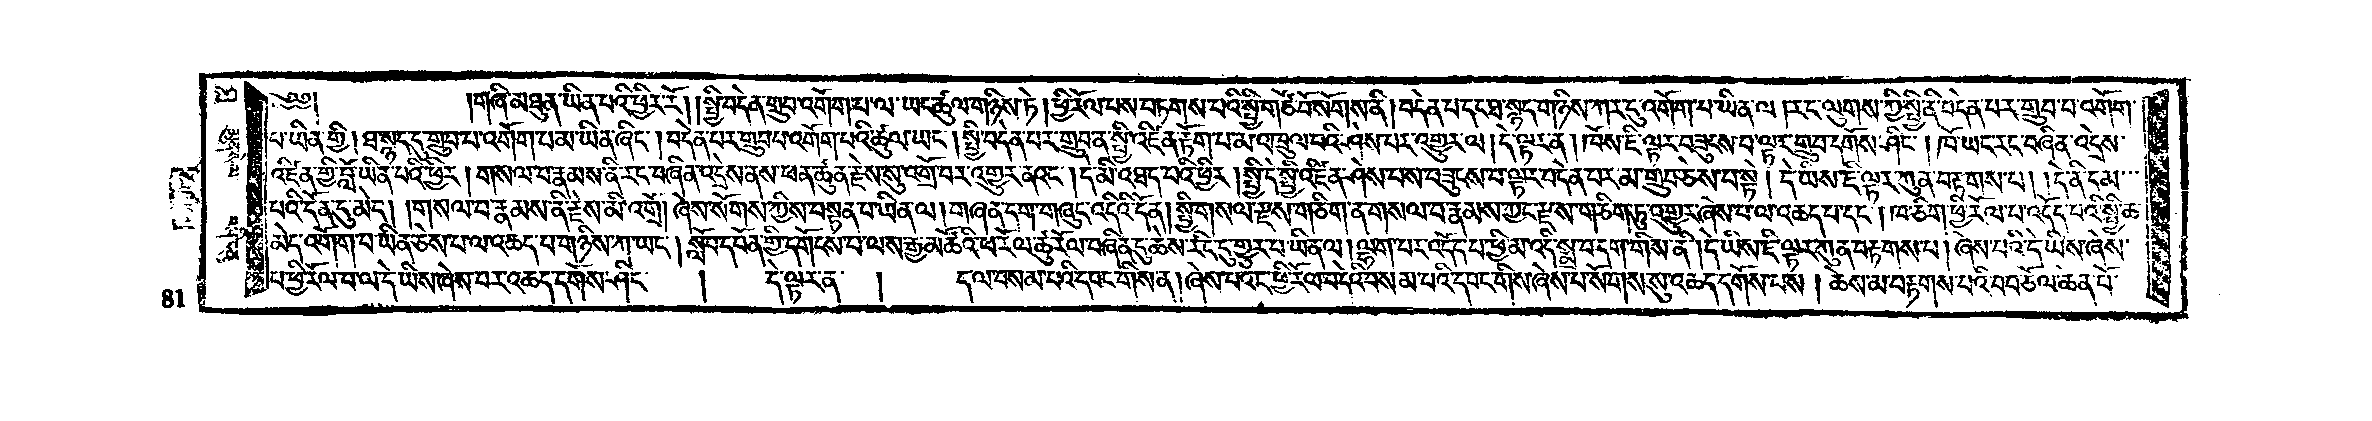༄༅། །གཞི་མཐུན་ཡིན་པའི་ཕྱིར་རོ། །སྤྱི་བདེན་གྲུབ་འགོག་པ་ལ་ཡང་ཚུལ་གཉིས་ཏེ། ཕྱི་རོལ་པས་བཏགས་པའི་སྤྱི་གཙོ་བོ་སོགས་ནི། བདེན་པ་དང་ཐ་སྙད་གཉིས་ཀར་དུ་འགོག་པ་ཡིན་ལ། རང་ལུགས་ཀྱི་སྤྱི་ནི་བདེན་པར་གྲུབ་པ་འགོག་
པ་ཡིན་གྱི། ཐ་སྙད་དུ་གྲུབ་པ་འགོག་པ་མ་ཡིན་ཞིང་། བདེན་པར་གྲུབ་པ་འགོག་པའི་ཚུལ་ཡང་། སྤྱི་བདེན་པར་གྲུབ་ན་སྤྱི་འཛིན་རྟོག་པ་མ་འཁྲུལ་པའི་ཤེས་པར་འགྱུར་ལ། དེ་ལྟར་ན། ཁོས་?་ཇི་ལྟར་བཟུངས་བ་ལྟར་གྲུབ་དགོས་ཤིང་། ཁོ་ཡང་རང་བཞིན་འདྲེས་
འཛིན་གྱི་བློ་ཡིན་པའི་ཕྱིར། གསལ་བ་རྣམས་ནི་རང་བཞིན་འདྲེས་ནས་ཕན་ཚུན་རྗེས་སུ་འགྲོ་བར་འགྱུར་ནའང་། དེ་མི་འཐད་པའི་ཕྱིར། སྤྱི་དེ་སྤྱི་འཛིན་ཤེས་པས་གཟུངས་པ་ལྟར་བདེན་པར་མ་གྲུབ་ཅེས་པ་སྟེ། དེ་ཡིས་ཇི་ལྟར་ཀུན་བརྟགས་པ། །དེ་ནི་དམ་
པའི་དོན་དུ་མེད། །གསལ་བ་རྣམས་ནི་རྗེས་མི་འགྲོ། ཞེས་སོགས་ཀྱིས་བསྟན་པ་ཡིན་ལ། གཞན་དག་གཞུང་འདིའི་དོན། སྤྱི་གསལ་རྫས་གཅིག་ན་གསལ་བ་རྣམས་ཀྱང་རྫས་གཅིག་ཏུ་འགྱུར་ཞེས་པ་ལ་འཆད་པ་དང་། ཁ་ཅིག་ཕྱི་རོལ་པ་འདོད་པའི་སྤྱི་ཆ་
མེད་འགོག་པ་ཡིན་ཅེས་པ་ལ་འཆད་པ་གཉིས་ཀ་ཡང་། སློབ་དཔོན་གྱི་དགོངས་པ་ལས་རྒྱ་མཚོའི་ཕ་རོལ་ཚུ་རོལ་བཞིན་དུ་ཆེས་རིང་དུ་གྱུར་པ་ཡིན་ལ། ལྷག་པར་འདོད་པ་ཕྱི་མ་འདི་སྨྲ་བ་དག་གིས་ནི། དེ་ཡིས་ཇི་ལྟར་ཀུན་བརྟགས་པ། ཞེས་པའི་དེ་ཡིས་ཞེས་
པ་ཕྱི་རོལ་པ་ལ་དེ་ཡིས་ཞེས་པར་འཆད་དགོས་ཤིང་།དེ་ལྟར་ན། ད་ལ་བསམ་པའི་དབང་གིས་ན། ཞེས་པའང་ཕྱི་རོལ་པ་དེའི་བསམ་པའི་དབང་གིས་ཞེས་པ་སོགས་སུ་འཆད་དགོས་པས། ཆེས་མ་བརྟགས་པའི་བབ་ཅོལ་ཆེན་པོ་